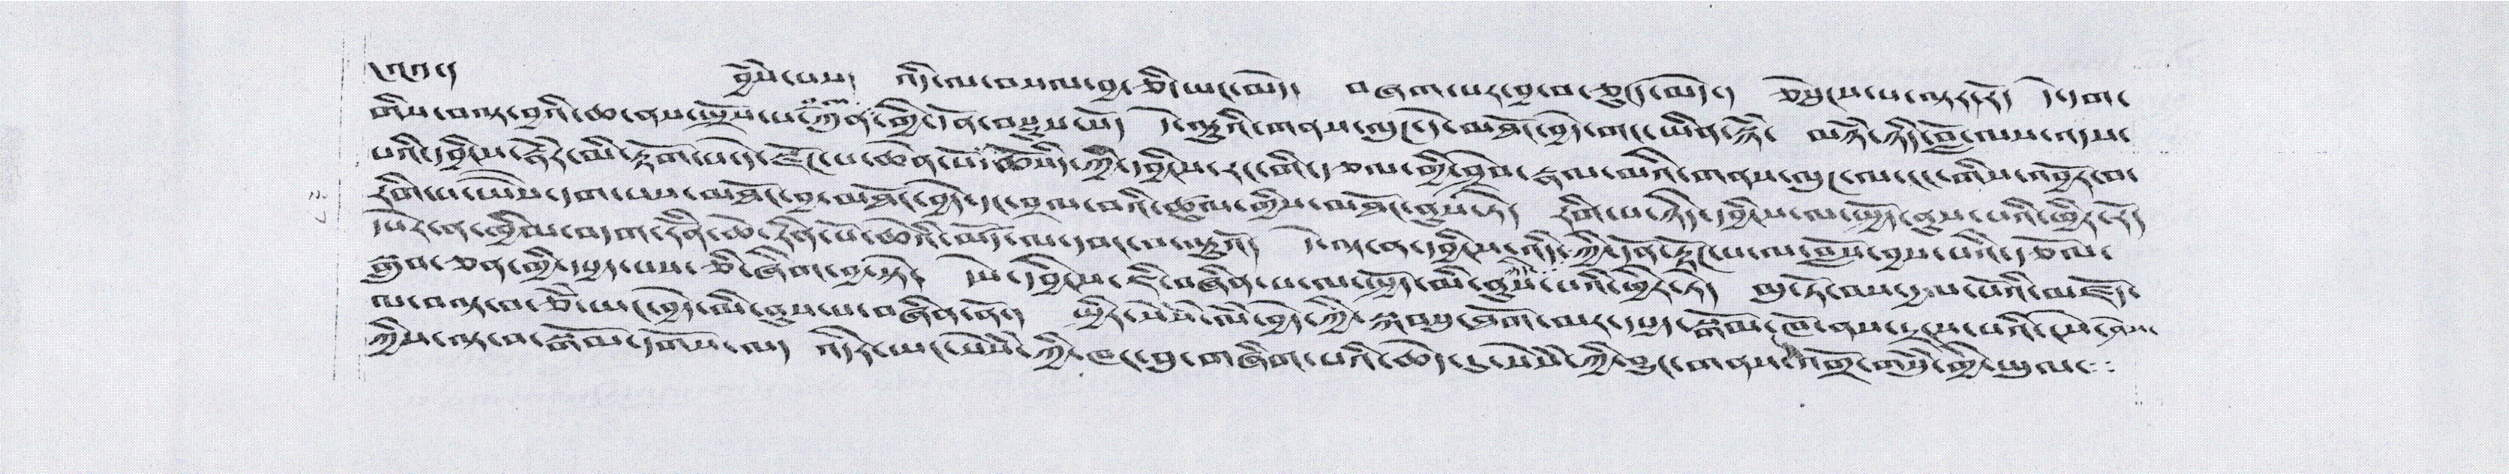བྱམས་པས། འདི་ལ་བསལ་བྱ་ཅི་ཡང་མེད། བཞག་པར་བྱ་བ་ཅུང་ཟད་མེད། ཅེས་གསུངས་པ་ལྟར་རོ། དེ་དག་
གིས་བལྟ་བྱའི་ཆ་ནས་སྤྲོས་པ་ཀུན་བྲལ་གྱི་དོན་བསྡུས་པའོ། དེ་ལྟ་བུའི་གནས་ལུགས་དེ་མཐོང་བྱེད་གང་ཡིན་སྙམ་ན། མཉམ་ཉིད་བློ་ལས་འདས་
པའི་དབྱིངས་རྣམ་པར་མི་རྟོག་པ་དེ་རྫོགས་པ་ཆེན་པོ་ཆོས་ཉིད་ཀྱི་དབྱིངས་རང་གི་རྩལ་གྱི་ཤེས་རབ་རྣལ་མའི་གནས་ལུགས་ལ་ངང་གིས་འབྱོར་བ་
རིག་པ་ཡེ་ཤེས་དག་པས་མཐོང་བྱ་མཐོང་བྱེད་དང་བྲལ་བའི་ཚུལ་གྱིས་མཐོང་ནུས་ཏེ། རིག་པ་ཉིད་དབྱིངས་ལ་སྤྱོད་ནུས་པའི་ཕྱིར་རོ། 
དཔེར་ན་ཁྱིམ་བདག་རིན་པོ་ཆེ་རིན་པོ་ཆེའི་མཛོད་ལ་དབང་བ་ལྟ་བུའོ། དེ་ལྟ་ན་དབྱིངས་འདི་ཉིད་ཀྱི་དོན་རྟོགས་པ་ལ་བློས་བྱས་པའི་རྩོལ་
སྒྲུབ་ཅན་གྱི་དཔྱད་པས་ཅི་ཞིག་བྱ་སྟེ། དེས་དབྱིངས་ཇི་བཞིན་པ་ལ་སྤྱོད་མི་ནུས་པའི་ཕྱིར་ཏེ། མུ་ཏོ་བས་རྒྱལ་པོའི་མཛོད་
ལ་བལྟ་བ་ཙམ་ཡང་བྱེད་མི་ནུས་པ་བཞིན་ནོ། སྤྱིར་སེམས་ལམ་བྱེད་ཀྱི་སྐབས་སུ་ཐོག་མར་དཔྱད་སྒོམ་ཁོ་ནས་དྲངས་པའི་ངེས་ཤེས་
ཀྱིས་ལྟ་བ་སྒོམ་དགོས་ལ། འདིར་ཡང་སེམས་ཀྱི་ཁང་བུ་གཞིག་པའི་ཆེད་དུ་སེམས་ཀྱི་བྱུང་གནས་དང་འགྲོ་གསུམ་གྱི་ཡུལ་